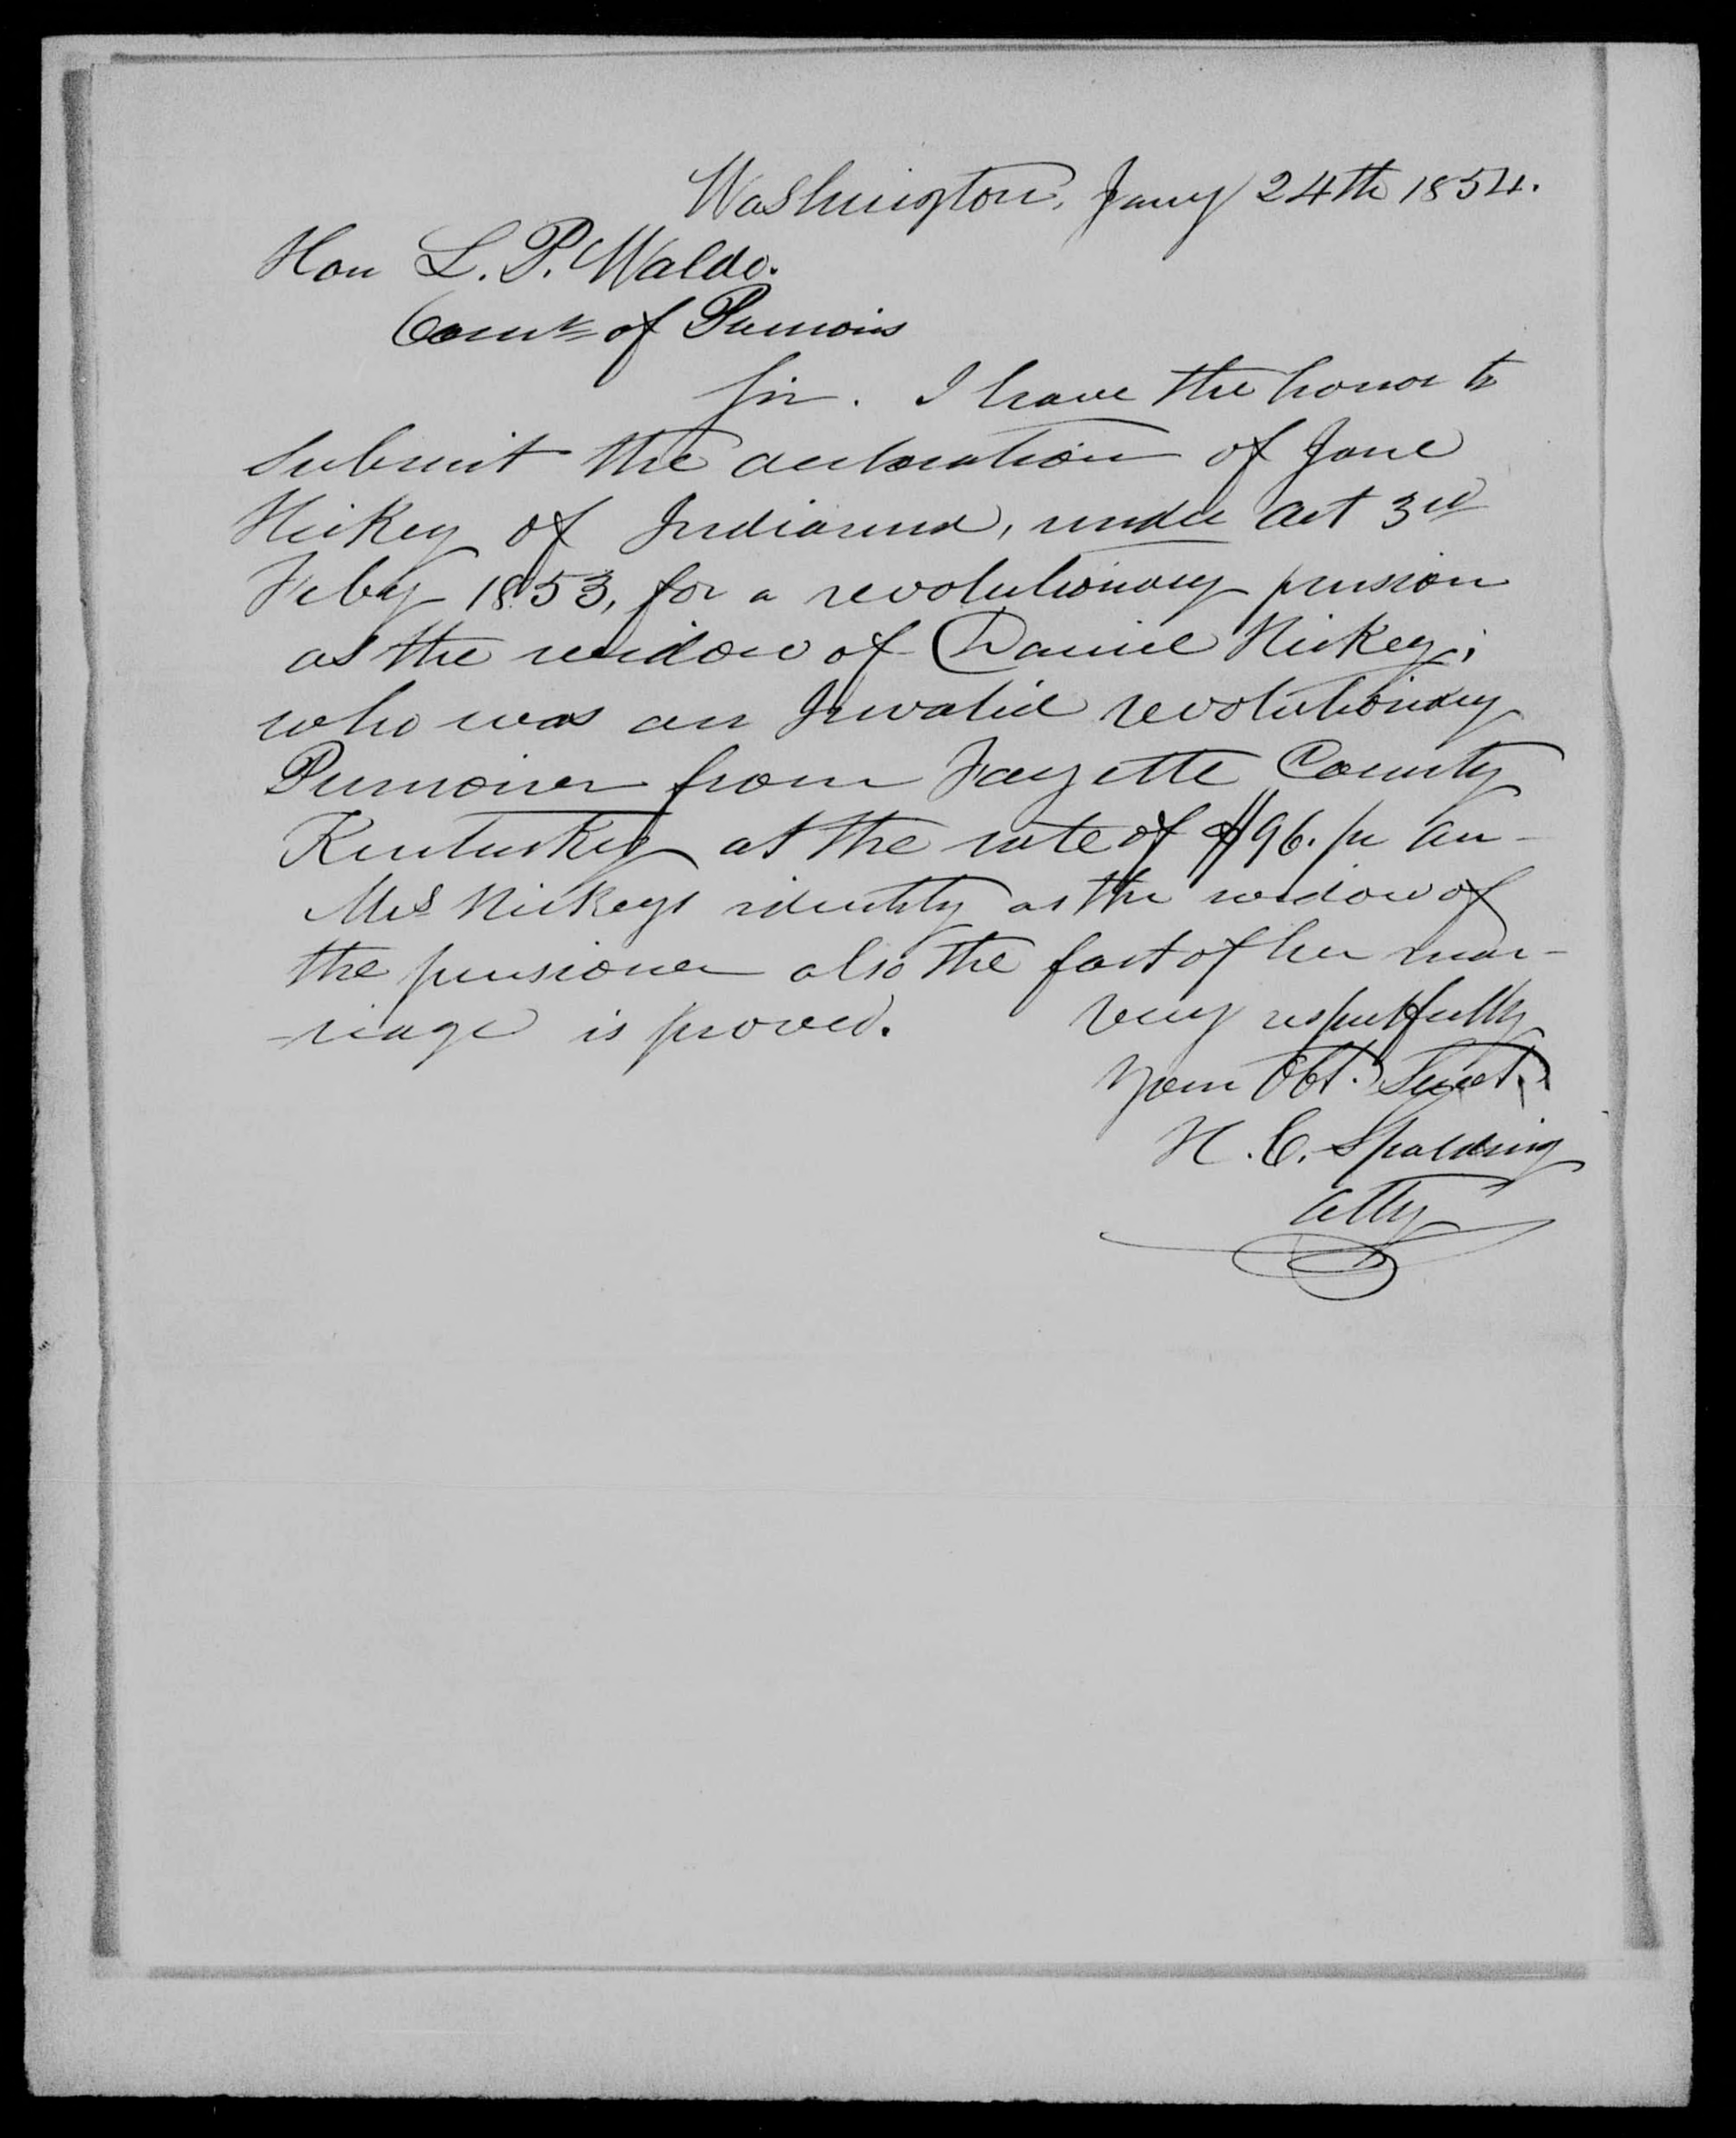Hon L. P. Waldo
Washington Jany 24th 1854
Court of Pensions
Sir, 
I have the honor to submit the declaration of Jane Hickey of Indiana, under Act 3d Feby 1853, for a revolutionary pension as the widow of Daniel Hickey, who was an Invalid revolutionary Pensioner from Fayette County Kentucky at the rate of $96 per an -
Mrs Hickeys identity as the widow of the pensioner also the fact of her marriage is proved.
very respectfully
Your Obt Sert
H. C. Spalding
Atty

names: Daniel Hickey, L P Waldo, H C Spalding, Jane Hickey, Hickey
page: 76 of 84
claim: widow's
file: W. 7744, Daniel Hickey, Penn.